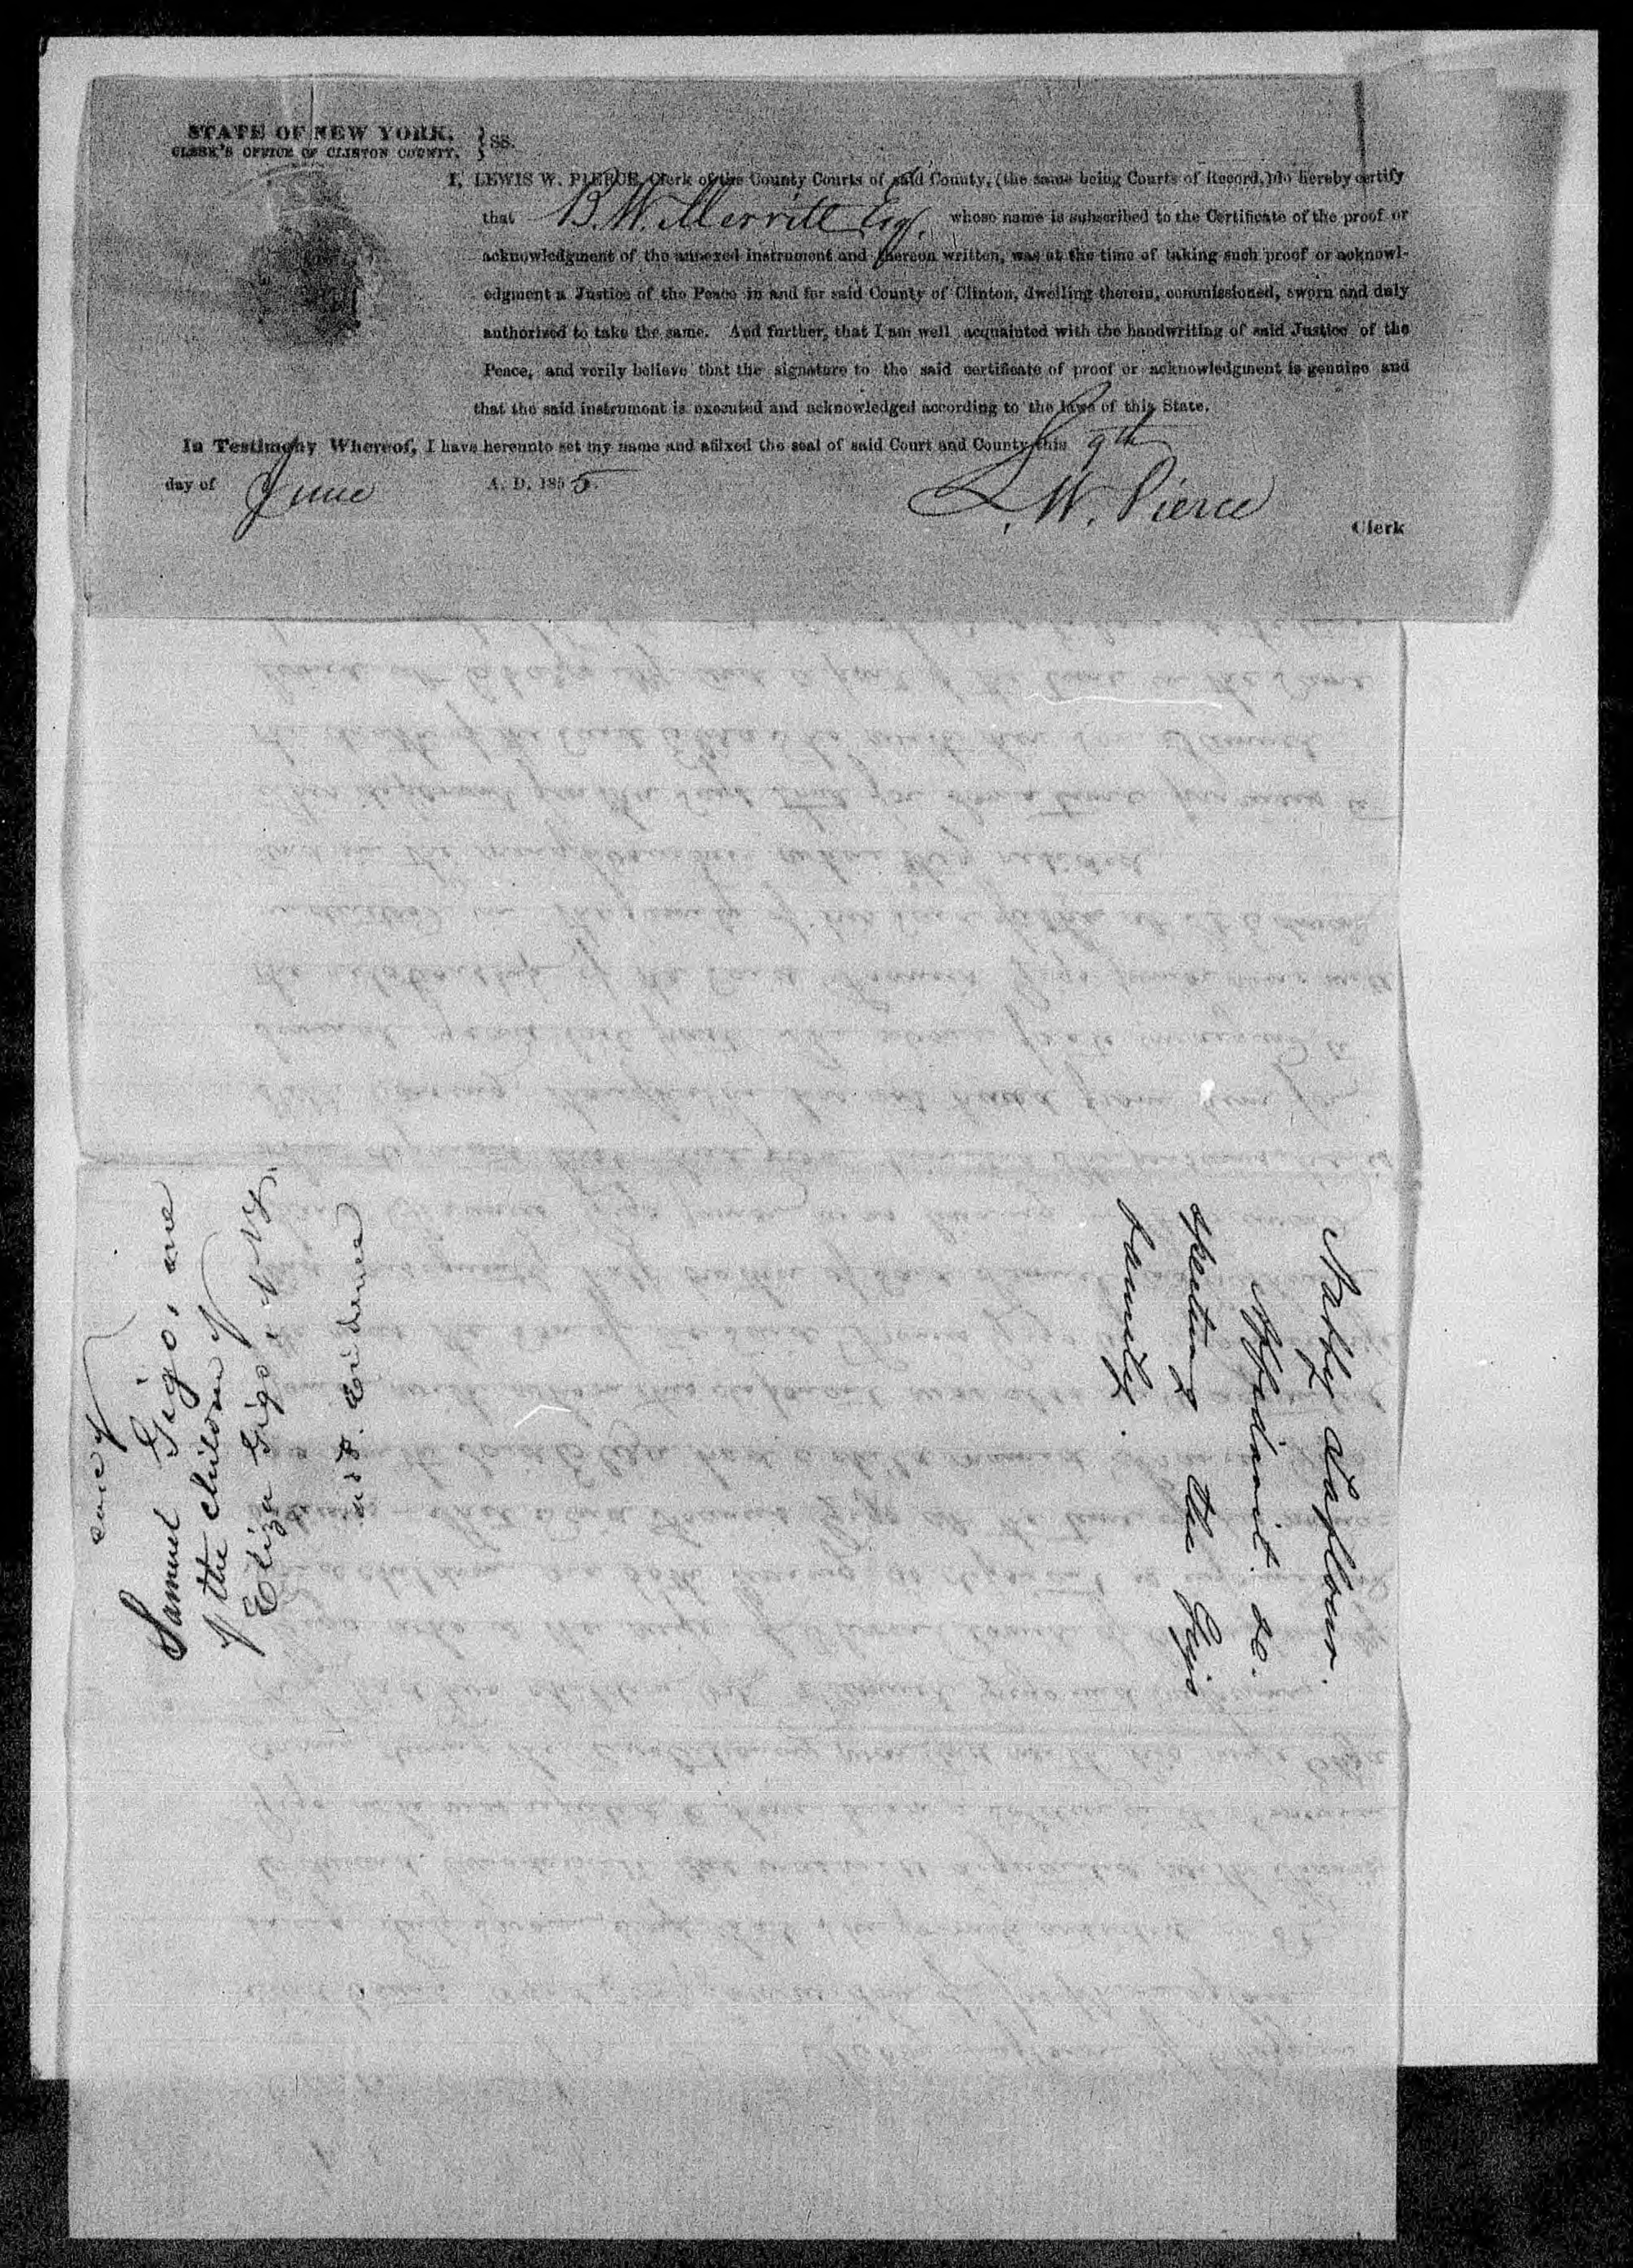State of New York
Clerk's Office of Clinton County
I, Lewis W. Pierce, Clerk of the County Courts of said County, (the same being Court of Record)
do hereby certify that B. W. Merritt, Esq, whose name is subscribed to the Certificate of the proof or acknowledgement of the annexed instrument and therein written, was at the time of taking such proof or acknowledgements a Justice of the Peace in and for said County of Clinton, dwelling therein, commissioned, sworn and duly authorized to take the same. And further, that I am well acquainted with the handwriting of said Justice of the Peace and verily believe that the signature to the said certificate of proof or acknowledgment is genuine and that the said instrument i executed and acknowledged according to the laws of this State.

In Testimony Whereof, I have hereunto set my name and affixed the seal of said Court and County this 9th day of June  A.D. 1855
L.W. Pierce     Clerk

Care of Samuel Gigo, one of the children of Eliza Gigo, at NY, ? evidence

Nabby Laflour  Affidavit re. ? the Gigo's family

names: Gigo, B W Merritt, Eliza Gigo, Lewis W Pierce, L W Pierce, Nabby Laflour, Samuel Gigo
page: 6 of 98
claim: widow's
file: W. 21182, Francis Gigo, Continental (Canadian)